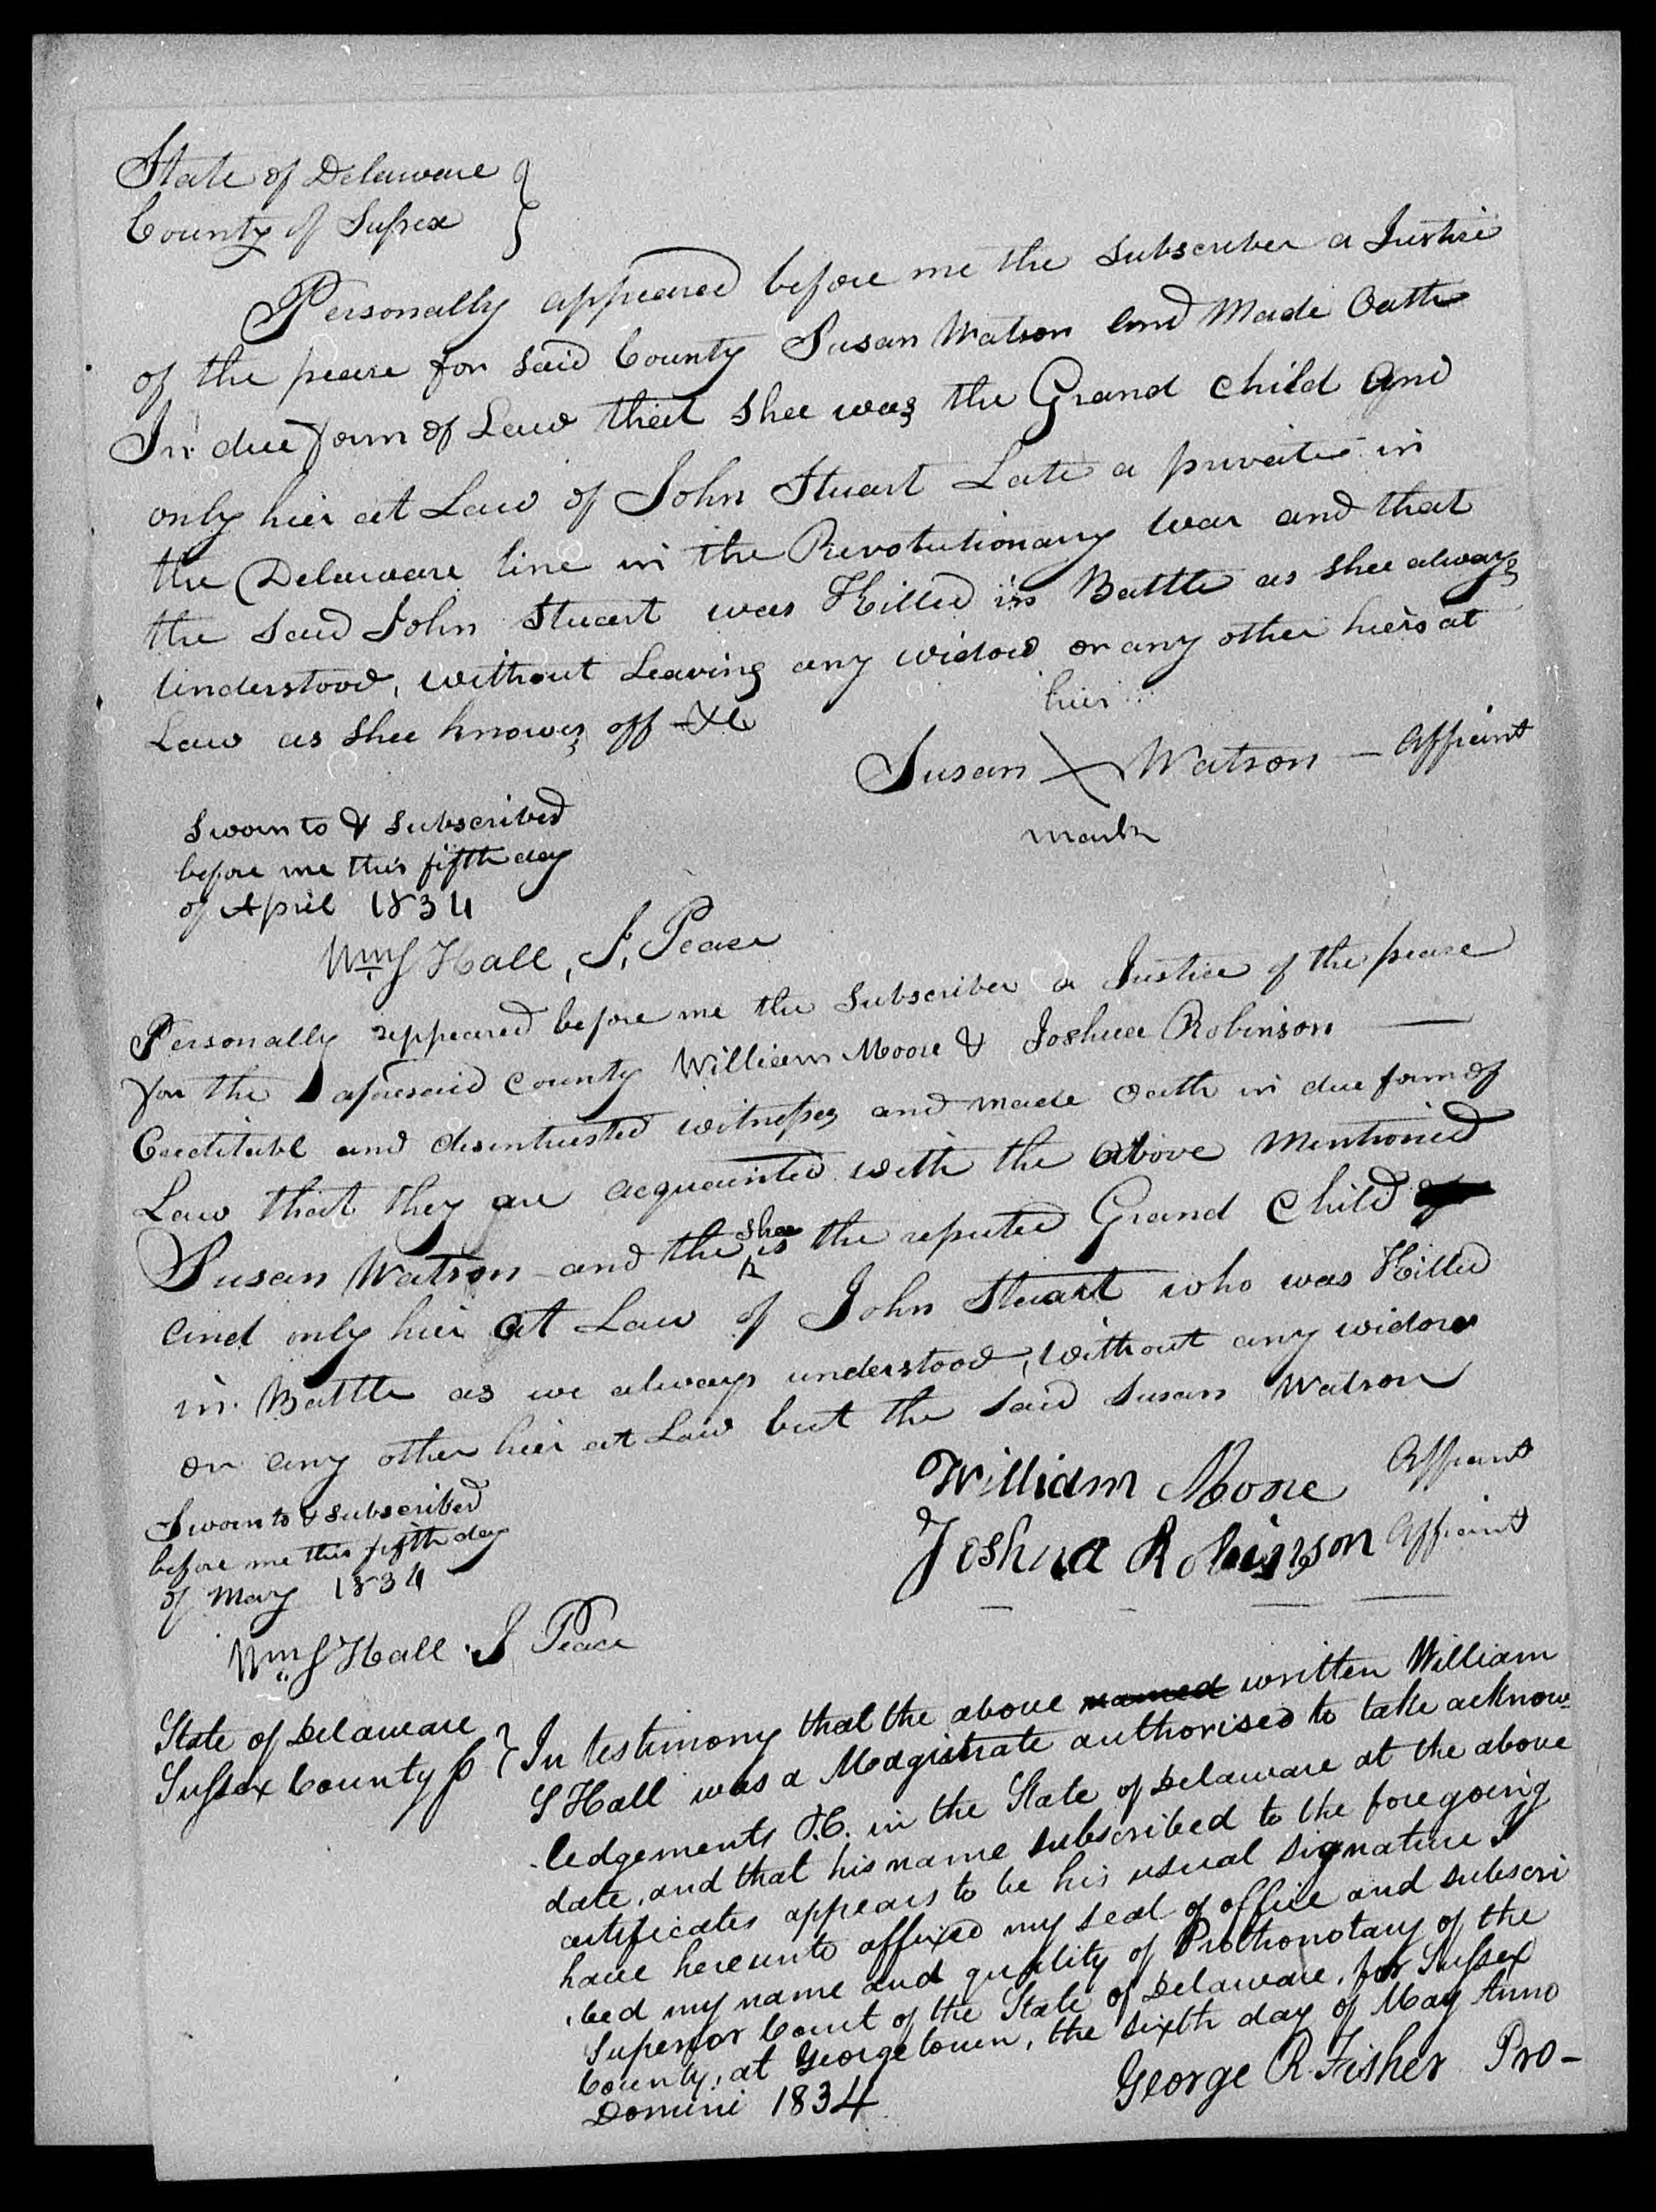State of Delaware
County of Sussex

Personally appeared before me the subscriber a Justice of the peace for said County Susan Watson and made Oath In due form of Law that she was the Grand child and only heir at Law of John Stuart late a private in the Delaware line in the Revolutionary war and that the said John Stuart was killed in Battle as she always understood, without leaving any widow or any other heirs at Law as she knows off [of] - [illegible]

Susan Watson - Affiant
her x mark

Sworn to & subscribed before me this fifth day of April 1883
Wm. S Hall, J. Peace

Personally appeared before me the Subscriber a Justice of the peace for the aforesaid County William Moore & Joshua Robinson --
Creditable and disinterested witnesses and made oath in due form of Law that they are acquainted with the above mentioned Susan Watson and the she is the reputed Grand child and only heir at Law of John Stewart who was killed in Battle as we always understood, without any widow or any other heir at Law but the said Susan Watson
William Moore Affiant
Joshua Robinson Affiant

Sworn to & subscribed before me this fifth day
of May 1834
Wm. S Hall J Peace

State of Delaware
Sussex County ss

In testimony that the above written William Hall was a magistrate authorised to take acknow-ledgement J.C. in the State of Delaware at the above date, and that his name subscribed to the foregoing certificates appears to be his usual signature I have hereunto affixed my seal of office and subscri-bed my name and quality of Prothonotary of the Superior Court of the State of Delaware, for Sussex County, at Georgetown, the sixth day of May Anno Domini 1834
George R. Fisher Pro-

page: 4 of 9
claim: bounty land warrant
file: B. L. Wt. 2081-100, for John Stuart, Delaware